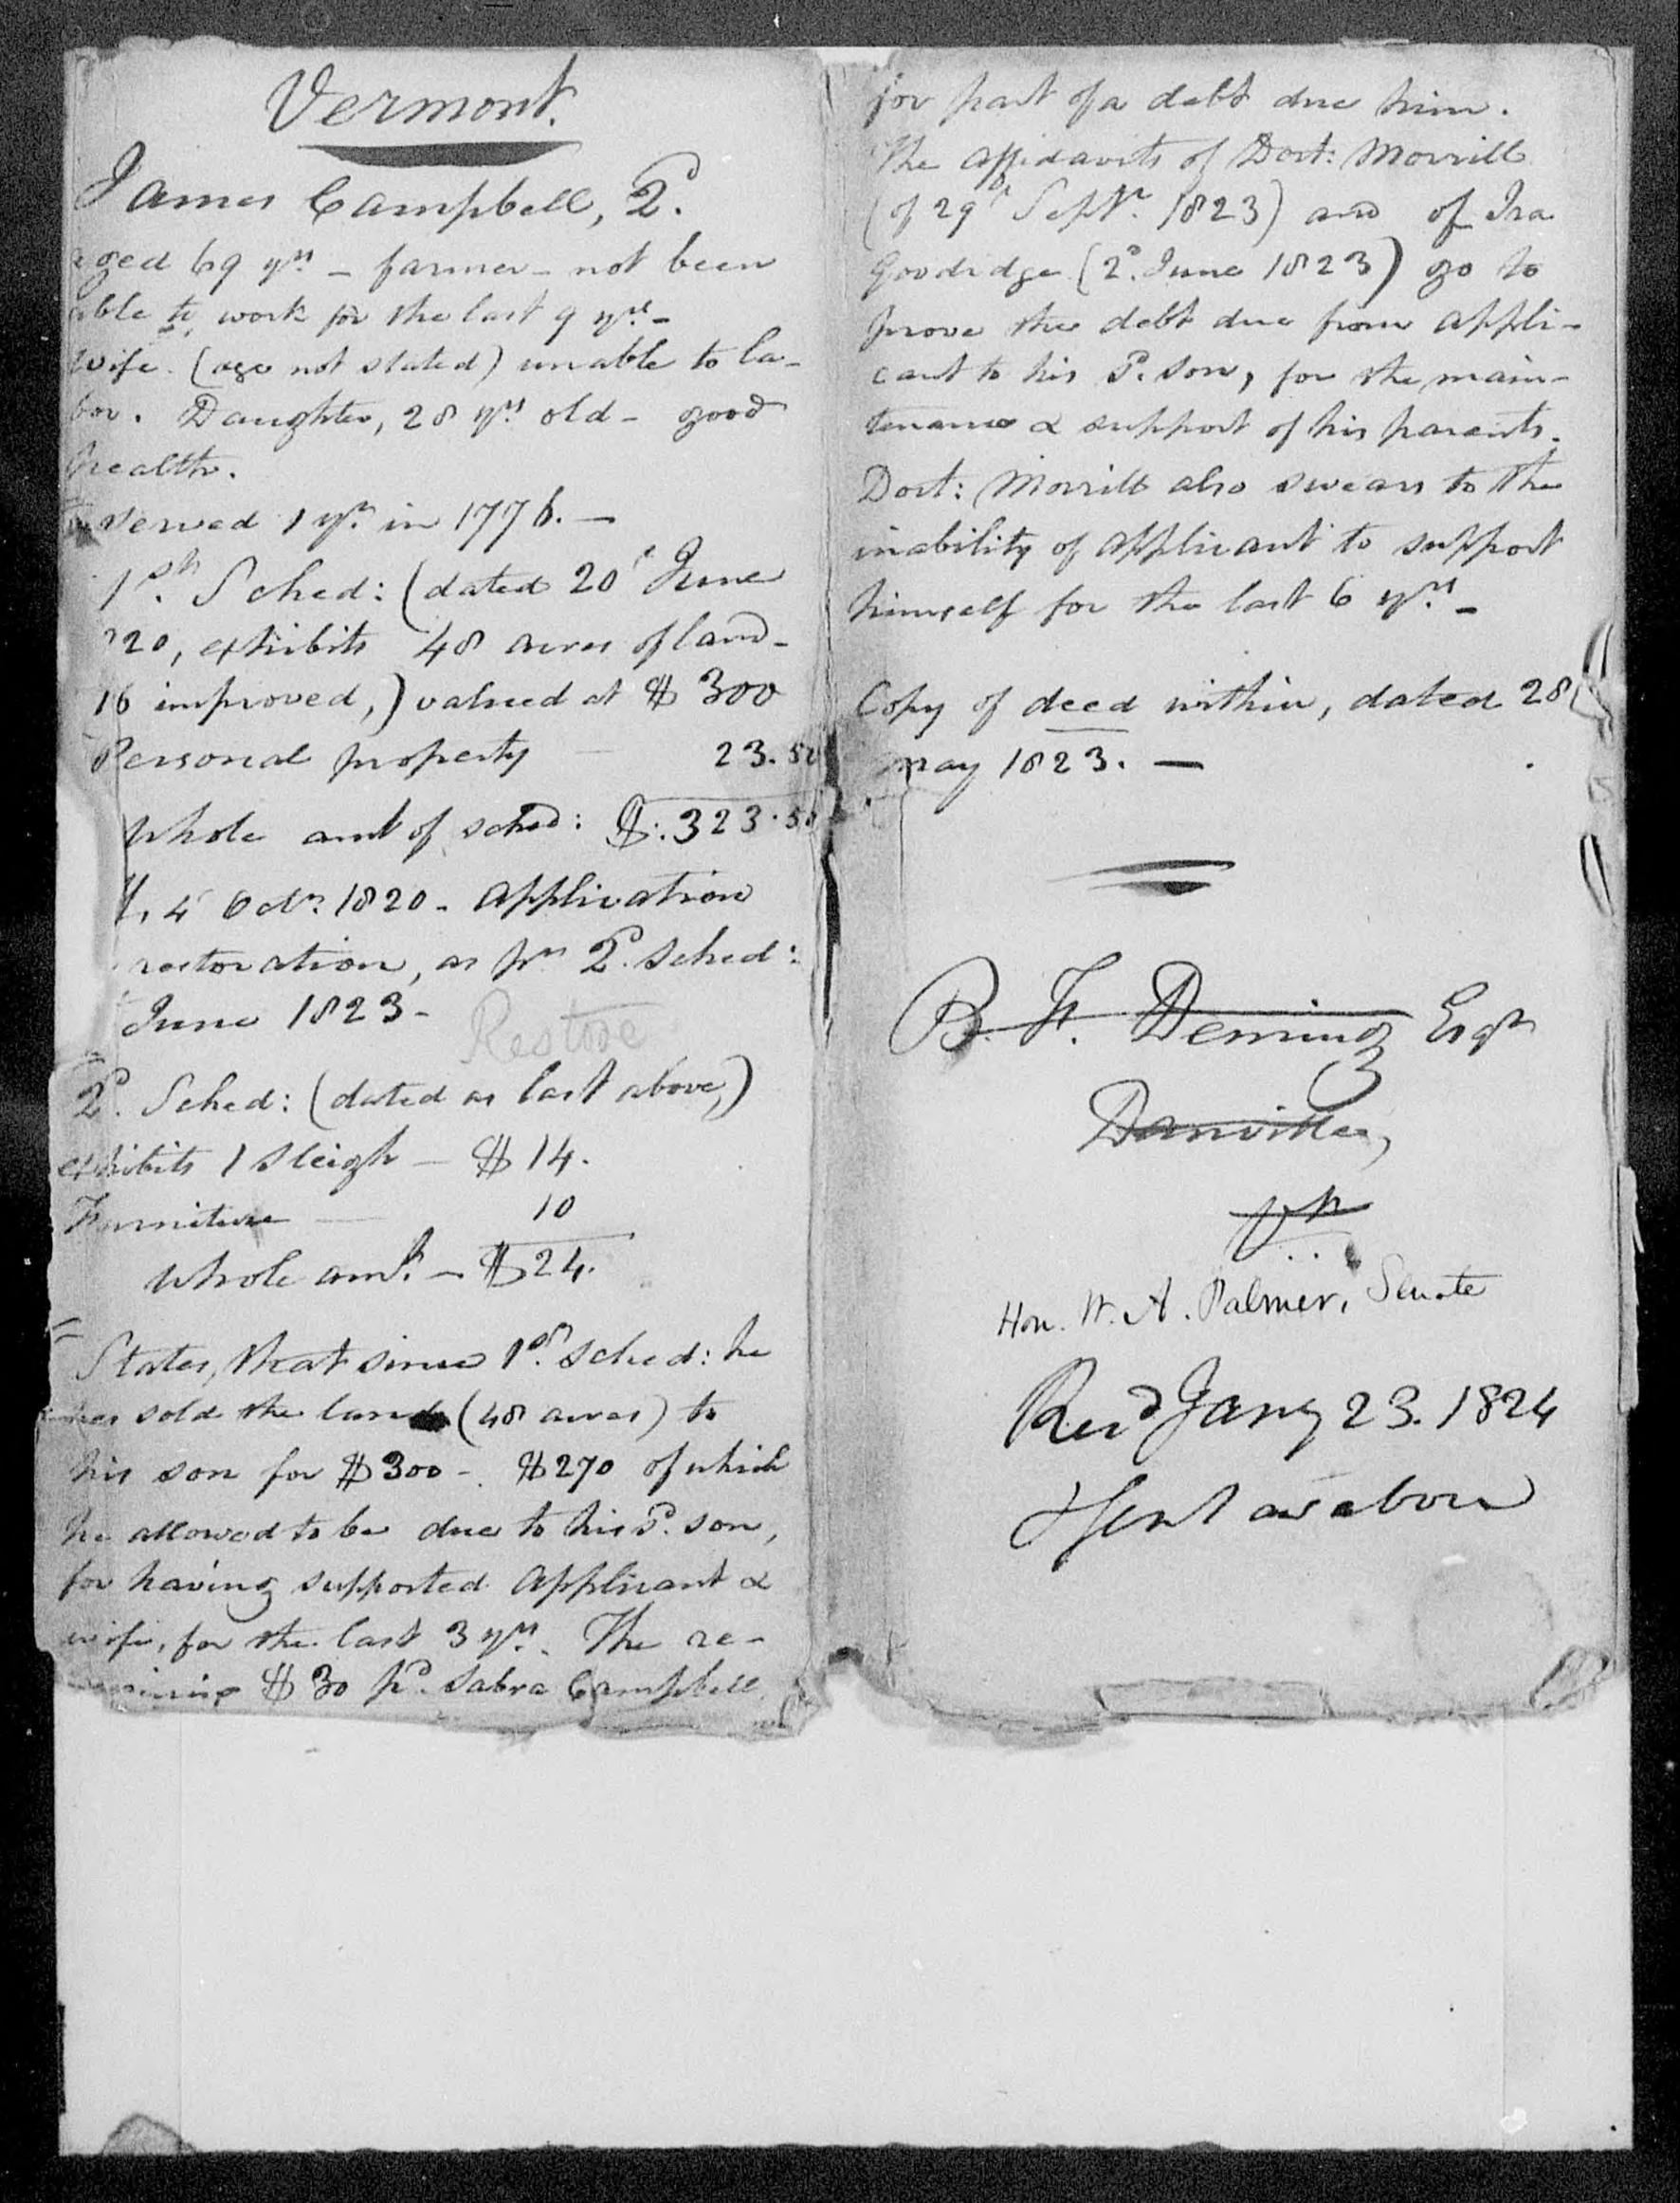Vermont

James Campbell, 2d
aged 69 yr- farmer- not been able to work for the last 9 yrs - wife. (age not stated) unable to labor. Daughter, 28 yrs. old- good health.

Served 1 yr in 1776. -
1st Sched: (dated 20 June 1820, exhibits 48 acres of land - 16 improved,) valued at $300
Personal property -                                  23. 50
                                                               _______
whole and of sched:                              $323.50

4 Octr. 1820 - application
restoration, as per 2d Sched:
June 1823 -

2d Sched: (dated as last above) exhibits 
1 Sleigh -    $14.
Furniture -    10
                   _____
whole amt - $24.

States, that since 1st sched: he [illegible] sold the land (40 acres) to his son for $300- $270 of which he allowed to be due to his sd son, for having supported applicant & wife, for the last 3 yrs. The remaining $30 pd Sabra Campbell,
for part of a debt due him.  The affidavits of Doct: Morrill (of 29h Septr. 1823) and of Ira
Goodridge (2d. June 1823) go to prove the debt due from applicant to his sd son, for the maintenance & support of his parents.
Doct: Morrill also swears to the inability of applicant to support himself for the last 6 yrs. -

Copy of deed within, dated 28 May by 1823.-

B.F. Deming Esqr
Danville,
Vt.

Hon W. A. Palmer, Senate
Recd Jany 23. 1824
Sent as above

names: James Campbell, B F Deming, Ira Goodridge, Sabra Campbell, W A Palmer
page: 20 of 67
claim: widow's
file: W. 23772, James Campbell, Continental Mass.